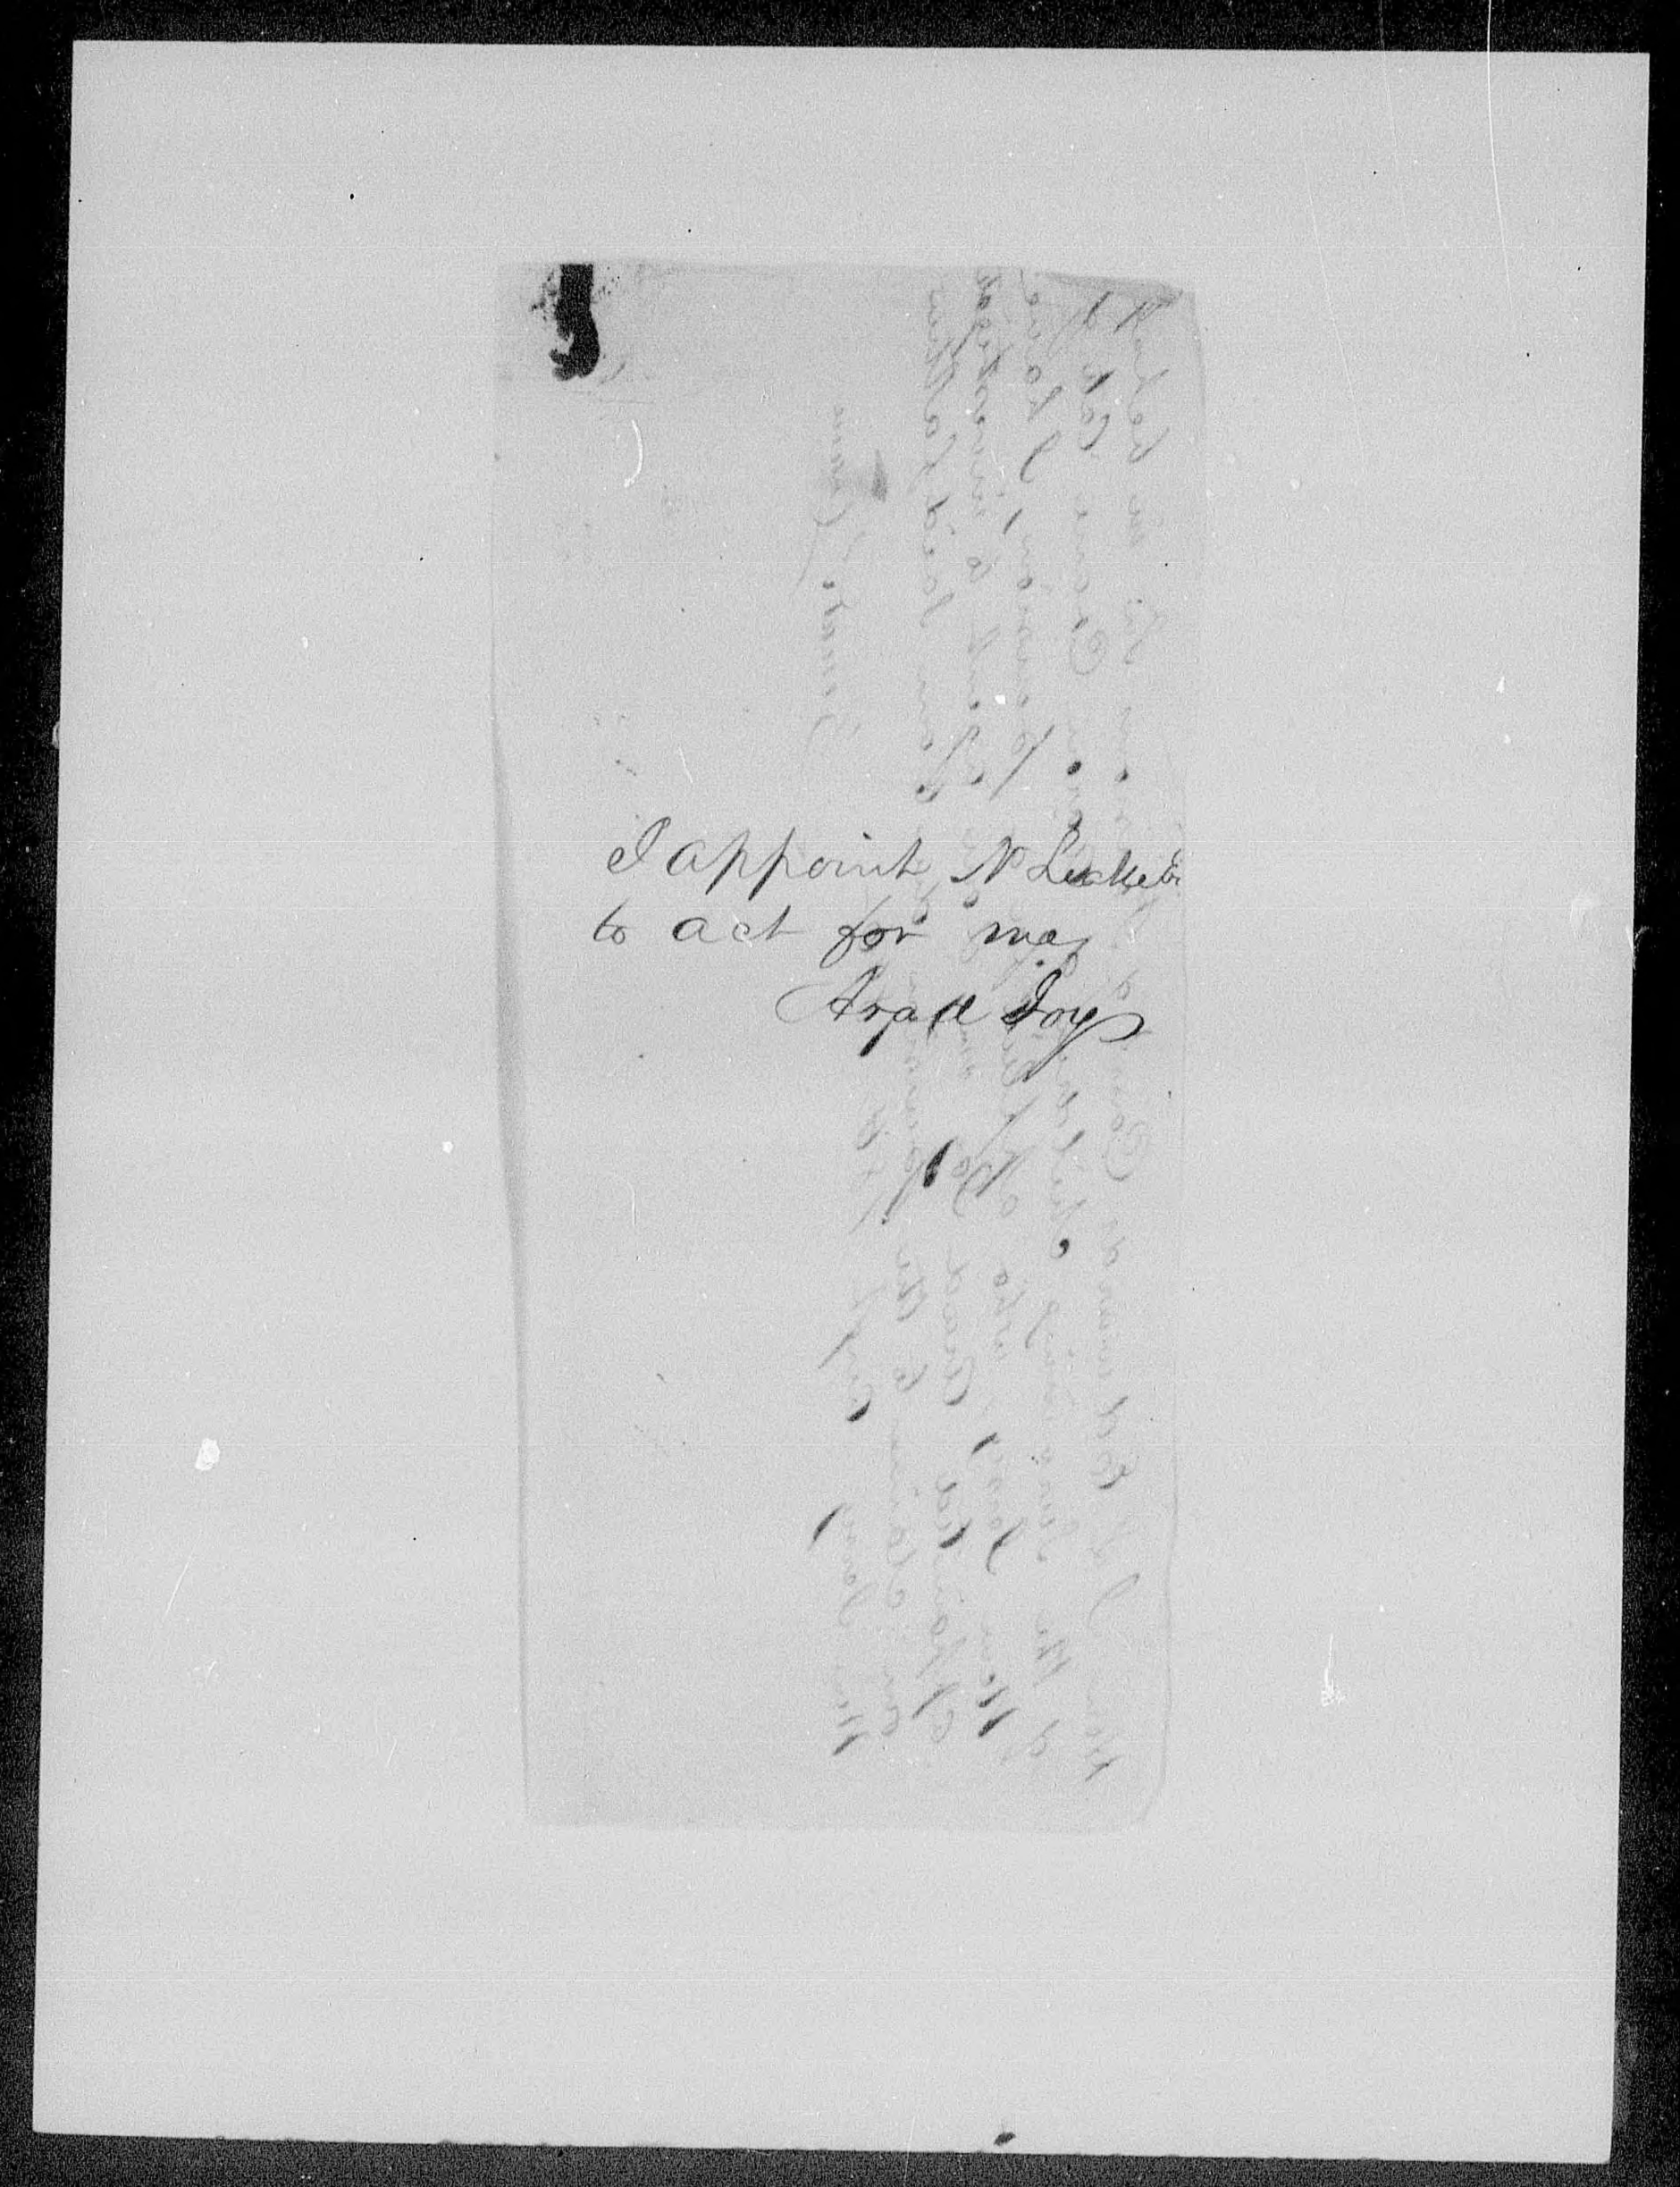I appoint N Leaker Esq

to act for me.

                    Arad Joy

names: Arad Joy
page: 15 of 32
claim: rejected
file: R. 2441, Aaron Crane, New Jersey